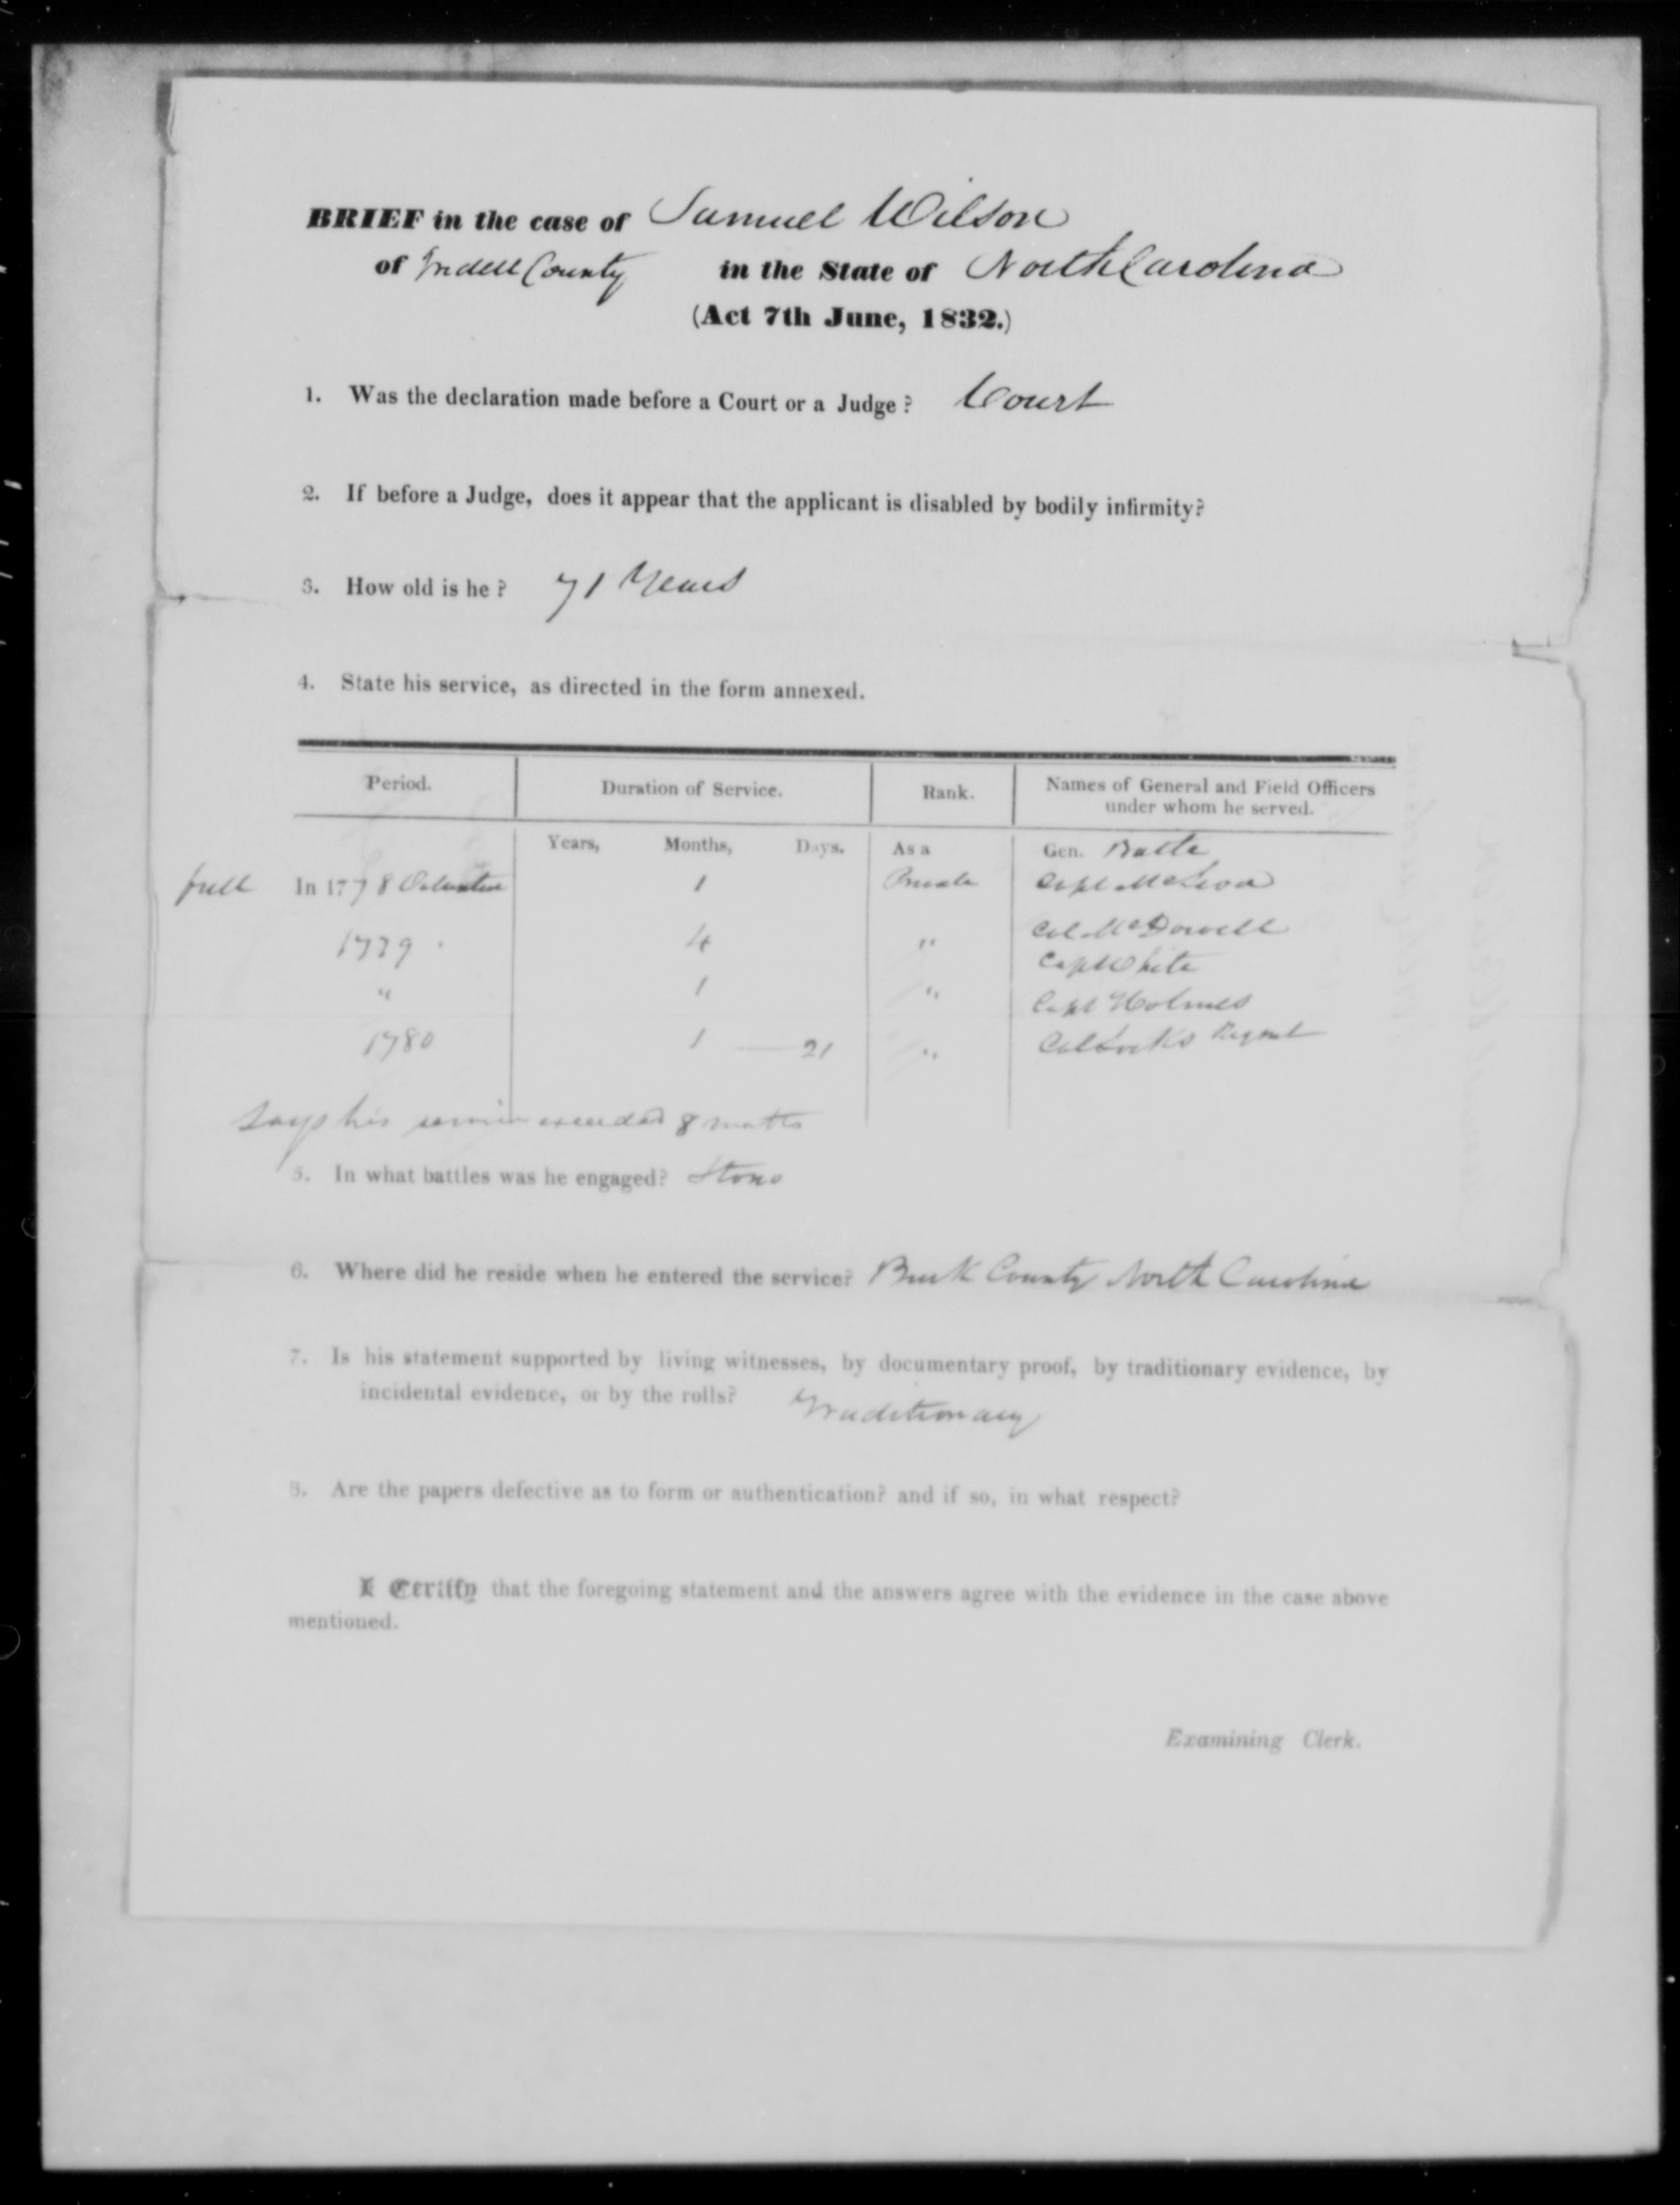Brief in the case of Samuel Wilson
of Iredell County in the State of North Carolina
(Act 7th June, 1832.)
1.  Was the declaration made before a Court or a Judge?  Court
2.  If before a Judge, does it appear that the applicant is disabled by bodily infirmity?
3.  How old is he?  71 years
4.  State his service, as directed in the form annexed.

Period:  Full   In 1778 Palestine
Duration of Service:  1 month
Rank:  Private
Names of General and Field Officers under whom he served:  Gen. North Dept Section

Period:  1779
Duration of Service:  4 months
Rank:  Private
Names of General and Field Officers under whom he served:  Col. McDonnell, Capt. White

Period:  1779
Duration of Service:  1 month
Rank:  Private
Names of General and Field Officers under whom he served:  Capt. Holmes

Period:  1780
Duration of Service:  1 month, 21 days
Rank:  Private
Names of General and Field Officers under whom he served:  Colombia Regmt.

Says his service exceeded 8 months

5.  In what battles was he engaged?  Stone
6.  Where did he reside when he entered the service?  Burke County, North Carolina
7.  Is his statement support by living witnesses, by documentary proof, by traditionary evidence, by incidental evidence, or by the rolls?  Traditionary
8.  Are the papers defective as to form or authentication?  and if so, in what respect?

I certify that the foregoing statement and the answers agree with the evidence in the case above mentioned.
Examining Clerk.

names: White, Batle, Mc Lean, Holmes, Mc Dowell, Samuel Wilson, Satis Coyel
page: 5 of 13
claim: survivor's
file: S. 7944, Samuel Wilson, N.C.